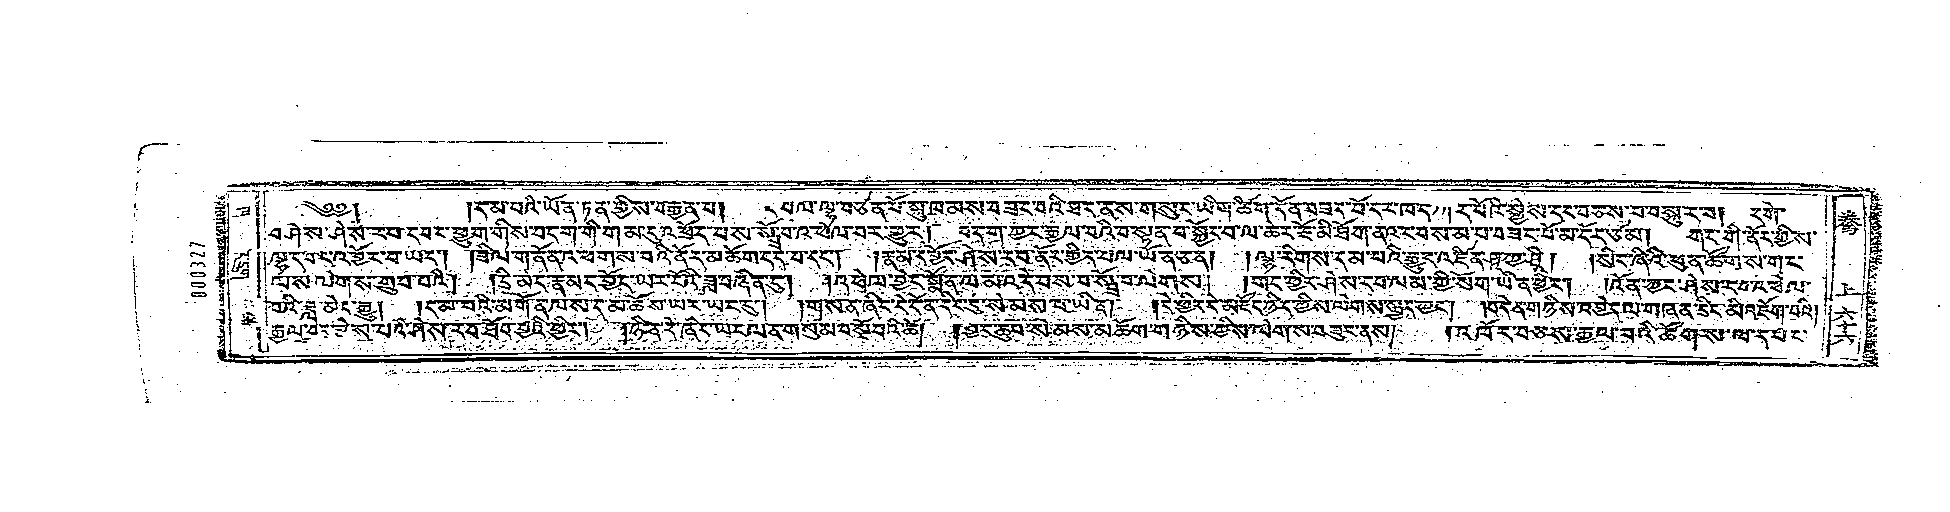༄༅། །དམ་པའི་ཡོན་ཏན་གྱིས་བརྒྱན་པ། དཔལ་ལྷ་བཙན་པོ་སྐུ་ཁམས་བཟང་བའི་ཐང་ནས་གསུང་ཡིག་ཚིག་དོན་བཟང་བོ་དར་ཁ་དཀར་པོའི་སྐྱེས་དང་བཅས་པ་བསྐུར་བ། དགེ་
བཤེས་ཤེས་རབ་དབང་ཕྱུག་གིས་བདག་གི་གམ་དུ་འཕྲོད་པས་སྤྲོ་བ་འཕེལ་བར་གྱུར། བདག་ཀྱང་རྒྱལ་བའི་བསྟན་པ་སྐྱོང་པ་ལ་ཆེར་རྡོ་མི་ཐོག་ནའང་བས་མ་པ་བཟང་པོ་མ་དོར་ཙམ། གང་གི་ནོར་གྱིས་
ལྷ་དབང་འབྱོར་བ་ཡང་། །ཟིལ་གནོན་འཕགས་པའི་ནོར་མཆོག་དང་པ་དང་། །རྣམ་དབྱོད་ཤེས་རབ་ནོར་གྱི་དཔལ་ཡོན་ཅན། །ལྷ་རིགས་དམ་པའི་རྒྱུད་འཛིན་ཤཱཀྱ་ཤྲཱི། །སྲིད་ཞིའི་ཕུན་ཚོགས་གང་
ལས་ལེགས་གྲུབ་བའི། །དྲི་མེད་རྣམ་དབྱོད་ཡར་ངོའི་ཟླ་བཞིན་དུ། །འཕེལ་བྱེད་སྨོན་ལམ་འདེབས་པ་སྦྲོ་བ་ལེགས། །གང་ཕྱིར་ཤེས་རབ་ལམ་གྱི་སྲོག་ཡིན་ཕྱིར། །འོན་ཀྱང་ཤེས་རབ་འཕེལ་
བའི་ཟླ་མེད་རྒྱུ། །དམ་པའི་མགོན་ལས་དམ་ཆོས་ཡང་ཡང་དུ། །གསན་ཞིང་དེ་དོན་རེང་དུ་སེམས་པ་ཡིན། །དེ་ཕྱིར་དེ་མཛོད་ཉིད་ཀྱིས་ལེགས་སྦྱང་ཀྱང་། །བདེན་གཉིས་འབྱེད་ལ་གཞན་དྲིང་མི་འཇོག་པའི་
རྒྱལ་བར་གྱེས་པའི་ཤེས་རབ་ཐོབ་བྱའི་ཕྱིར། །ཉིན་རེ་ཞིང་ཡང་ལན་གསུམ་བསྔོ་བའི་ཚེ། །བྱང་ཆུབ་སེམས་མཆོག་གཉིས་ཀྱིས་ལེགས་བཟུང་ནས། །འཁོར་བཅས་རྒྱལ་བའི་ཚོགས་ལ་དབང་